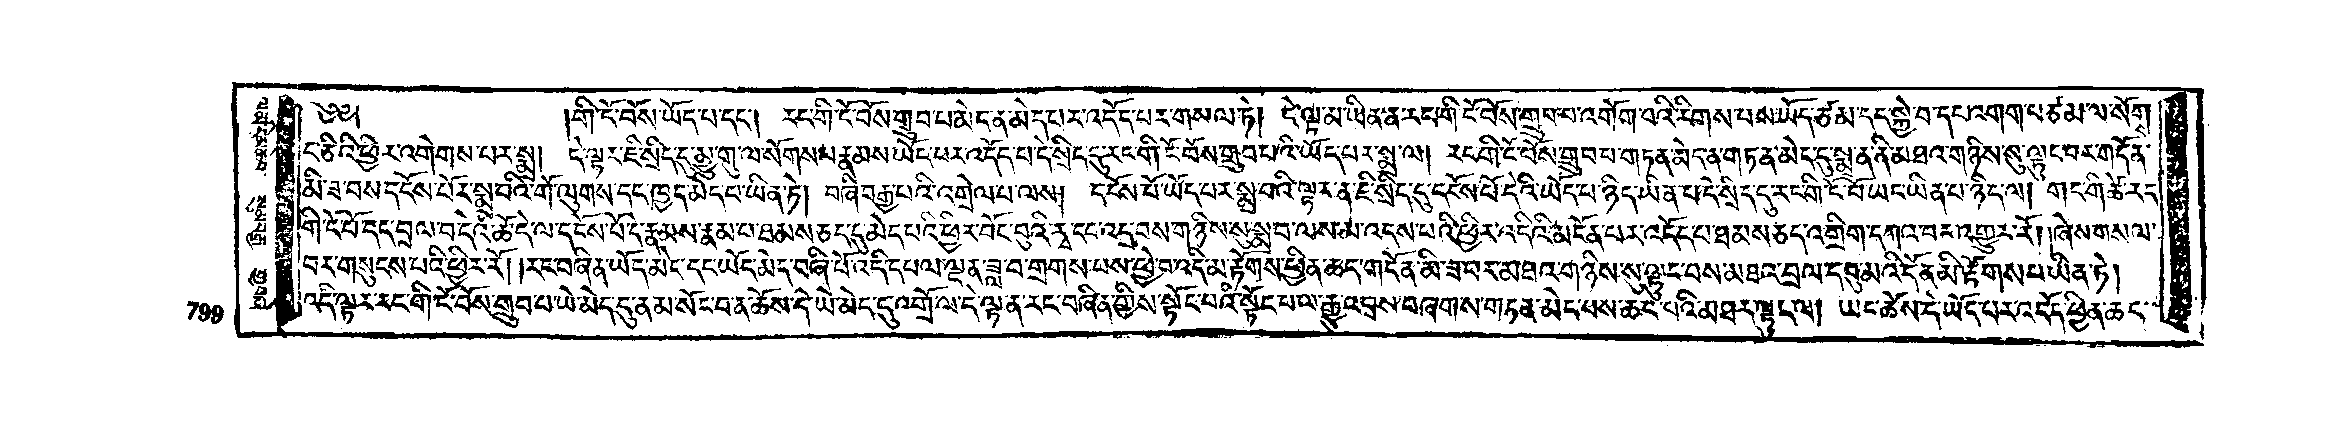༄༅། །གི་ངོ་བོས་ཡོད་པ་དང་། རང་གི་ངོ་བོས་གྲུབ་པ་མེད་པར་འདོད་པར་གསལ་ཏེ། དེ་ལྟ་མ་ཡིན་ན་རང་གི་ངོ་བོས་གྲུབ་པ་འགོག་པའི་རིགས་པས་ཡོད་ཙམ་དང་སྐྱེ་བ་དང་འགག་པ་ཙམ་ལ་སོགས་
པ་ཅིའི་ཕྱིར་འགེགས་པར་སྨྲ། དེ་ལྟར་ཇི་སྲིད་དུ་མྱུ་གུ་ལ་སོགས་པ་རྣམས་ཡོད་པར་འདོད་པ་དེ་སྲིད་དུ་རང་གི་ངོ་བོས་གྲུབ་པའི་ཡོད་པར་སྨྲ་ལ། རང་གི་ངོ་བོས་གྲུབ་པ་གཏན་མེད་ན་གཏན་མེད་དུ་སྨྲ་ན་ནི་མཐའ་གཉིས་སུ་ལྟུང་བར་གདོན་
མི་ཟ་བས་དངོས་པོར་སྨྲ་བའི་གོ་ལུགས་དང་ཁྱད་མེད་པ་ཡིན་ཏེ། བཞི་བརྒྱ་པའི་འགྲེལ་པ་ལས། དངོས་པོ་ཡོད་པར་སྨྲ་བའི་ལྟར་ན་ཇི་སྲིད་དུ་དངོས་པོ་དེའི་ཡོད་པ་ཉིད་ཡིན་པ་དེ་སྲིད་དུ་རང་གི་ངོ་བོ་ཡང་ཡིན་པ་ཉིད་ལ། གང་གི་ཚེ་རང་
གི་ངོ་བོ་དང་བྲལ་བ་དེའི་ཚེ་དེ་ལ་དངོས་པོ་དེ་རྣམས་རྣམ་པ་ཐམས་ཅད་དུ་མེད་པའི་ཕྱིར་བོང་བུའི་རྭ་དང་འདྲ་བས་གཉིས་སུ་སྨྲ་བ་ལས་མ་འདས་པའི་ཕྱིར་འདིའི་མངོན་པར་འདོད་པ་ཐམས་ཅད་འགྲིག་དཀའ་བར་འགྱུར་རོ། །ཞེས་གསལ་
བར་གསུངས་པའི་ཕྱིར་རོ། །རང་བཞིན་ཡོད་མེད་དང་ཡོད་མེད་བཞི་པོ་འདི་དཔལ་ལྡན་ཟླ་བ་གྲགས་པས་ཕྱེ་བ་འདི་མ་རྟོགས་ཕྱིན་ཆད་གདོན་མི་ཟ་བར་མཐའ་གཉིས་སུ་ལྟུང་བས་མཐའ་བྲལ་དབུ་མའི་དོན་མི་རྟོགས་པ་ཡིན་ཏེ།
འདི་ལྟར་རང་གི་ངོ་བོས་གྲུབ་པ་ཡེ་མེད་དུ་ནམ་སོང་བ་ན་ཆོས་དེ་ཡེ་མེད་དུ་འགྲོལ་དེ་ལྟ་ན་རང་བཞིན་གྱིས་སྟོང་པའི་སྟོང་པ་ལ་རྒྱུ་འབྲས་བཞགས་གཏན་མེད་པས་ཆད་པའི་མཐར་ལྟུང་ལ། ཡང་ཆོས་དེ་ཡོད་པར་འདོད་ཕྱིན་ཆད་